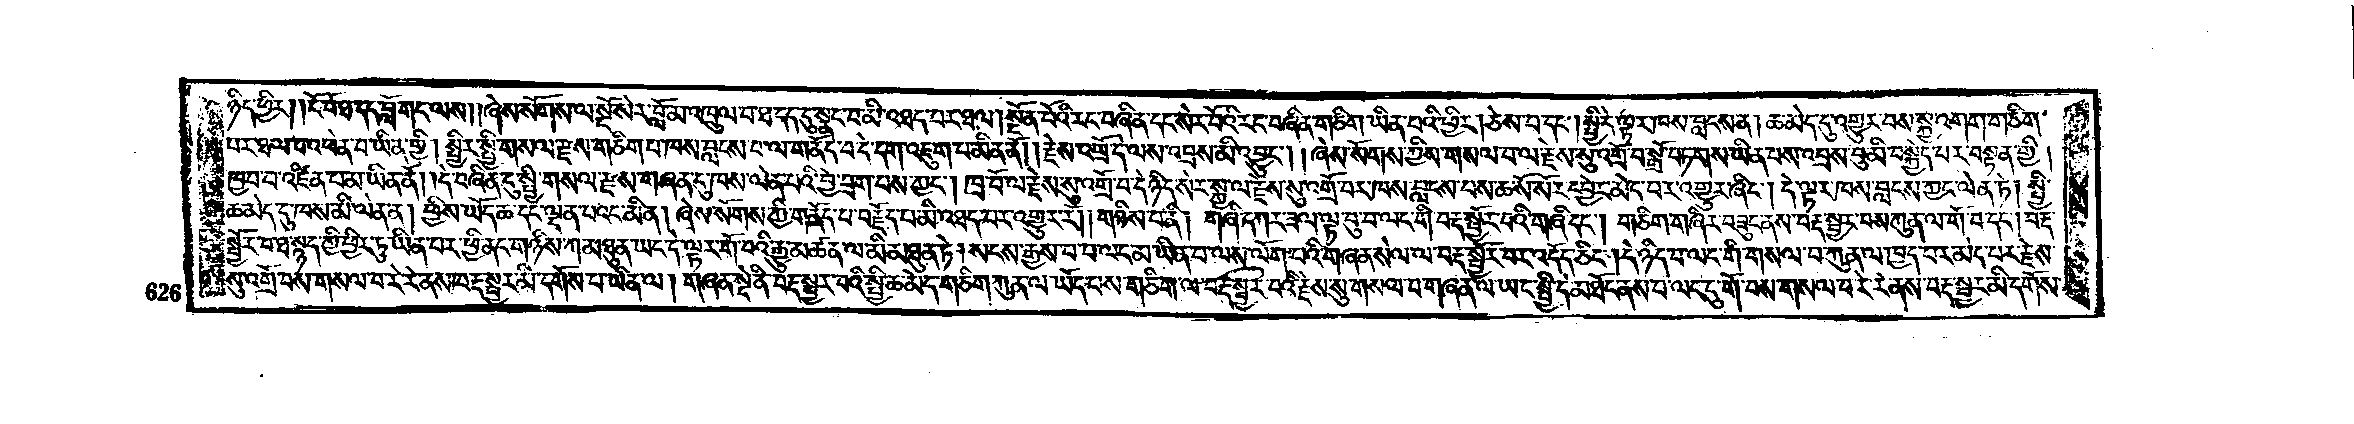ཉིད་ཕྱིར། ངོ་བོ་ཐ་དད་བློ་གང་ལས། །ཞེས་སོགས་ལ་སྔོ་སེར་བློ་མ་འཁྲུལ་པར་ཐ་དད་དུ་མི་འཐད་པར་ཐལ། སྔོན་པོའི་རང་བཞིན་དང་སེར་པོའི་རང་བཞིན་ཡིན་པའི་ཕྱིར། ཅེས་པ་དང་། སྤྱི་དེ་ལྟར་ཁས་བླངས་ན། ཆ་མེད་དུ་འགྱུར་བས་སྐྱེ་འགག་གཅིག་
པར་ཐལ་བ་འཕེན་པ་ཡིན་གྱི། སྤྱིར་སྤྱི་གསལ་རྫས་གཅིག་པ་ཁས་བླངས་པ་ལ་གནོད་པ་དེ་དག་འཇུག་པ་མིན་ནོ། །རྗེས་འགྲོ་དེ་ལས་འབྲས་མི་འབྱུང་། །ཞེས་སོགས་ཀྱིས་གསལ་བ་ལ་རྗེས་སུ་འགྲོ་བ་སྒྲོ་བཏགས་ཡིན་པས་འབྲས་བུ་མི་བསྐྱེད་པར་བསྟན་གྱི།
ཁྱབ་པ་འཛིན་པ་མ་ཡིན་ནོ། །དེ་བཞིན་དུ་སྤྱི་གསལ་རྫས་གཞན་དུ་ཁས་ལེན་པའི་བྱེ་བྲག་པས་ཀྱང་། ཁྲ་བོ་ལ་རྗེས་སུ་འགྲོ་བ་དེ་ཉིད་སེར་སྐྱེ་ལ་རྗེས་སུ་འགྲོ་བར་ཁས་བླངས་པས་ཆ་སོ་སོར་དབྱེར་མེད་པར་འགྱུར་ཞིང་། དེ་ལྟར་ཁས་བླངས་ཀྱང་ལེན་ཏེ། སྤྱི་
ཆ་མེད་དུ་ཁས་མི་ལེན་ན། ཕྱིས་ཡོད་ཆ་དང་ལྡན་པའང་མིན། ཞེས་སོགས་ཀྱི་གནོད་པ་བརྗོད་པ་མི་འཐད་པར་འགྱུར་རོ། །གཉིས་པ་ནི། གཞི་དཀར་ཟལ་ལྟ་བུ་བ་ལང་གི་བརྡ་སྦྱོར་བའི་གཞི་དང་། གཅིག་གཞིར་བཟུང་ནས་བརྡ་སྦྱར་བས་ཀུན་ལ་གོ་བ་དང་། བརྡ་
སྦྱོར་བ་ཐ་སྙད་ཀྱི་ཕྱིར་ཏུ་ཡིན་པར་ཕྱི་ནང་གཉིས་ཀ་མཐུན་ཡང་དེ་ལྟར་གོ་བའི་རྒྱུ་མཚན་ལ་མི་མཐུན་ཏེ། སངས་རྒྱས་པ་བ་ལང་མ་ཡིན་པ་ལས་ལོག་པའི་གཞན་སེལ་ལ་བརྡ་སྦྱོར་བར་འདོད་ཅིང་། དེ་ཉིད་བ་ལང་གི་གསལ་བ་ཀུན་ལ་ཁྱད་པར་མེད་པར་རྗེས་
སུ་འགྲོ་བ་གསལ་བ་རེ་རེ་ནས་བརྡ་སྦྱར་མི་དོགས་པ་ཡིན་ལ། གཞན་སྡེ་ནི་བརྡ་སྦྱར་བའི་སྤྱི་ཆ་མེད་གཅིག་ཀུན་ལ་ཡོད་པས་གཅིག་ལ་བརྡ་སྦྱར་བའི་རྗེས་སུ་གསལ་བ་གཞན་ལ་ཡང་སྤྱི་མཐོང་ནས་བ་ལང་དུ་གོ་བས་གསལ་བ་རེ་རེ་ནས་བརྡ་སྦྱར་མི་དགོས་